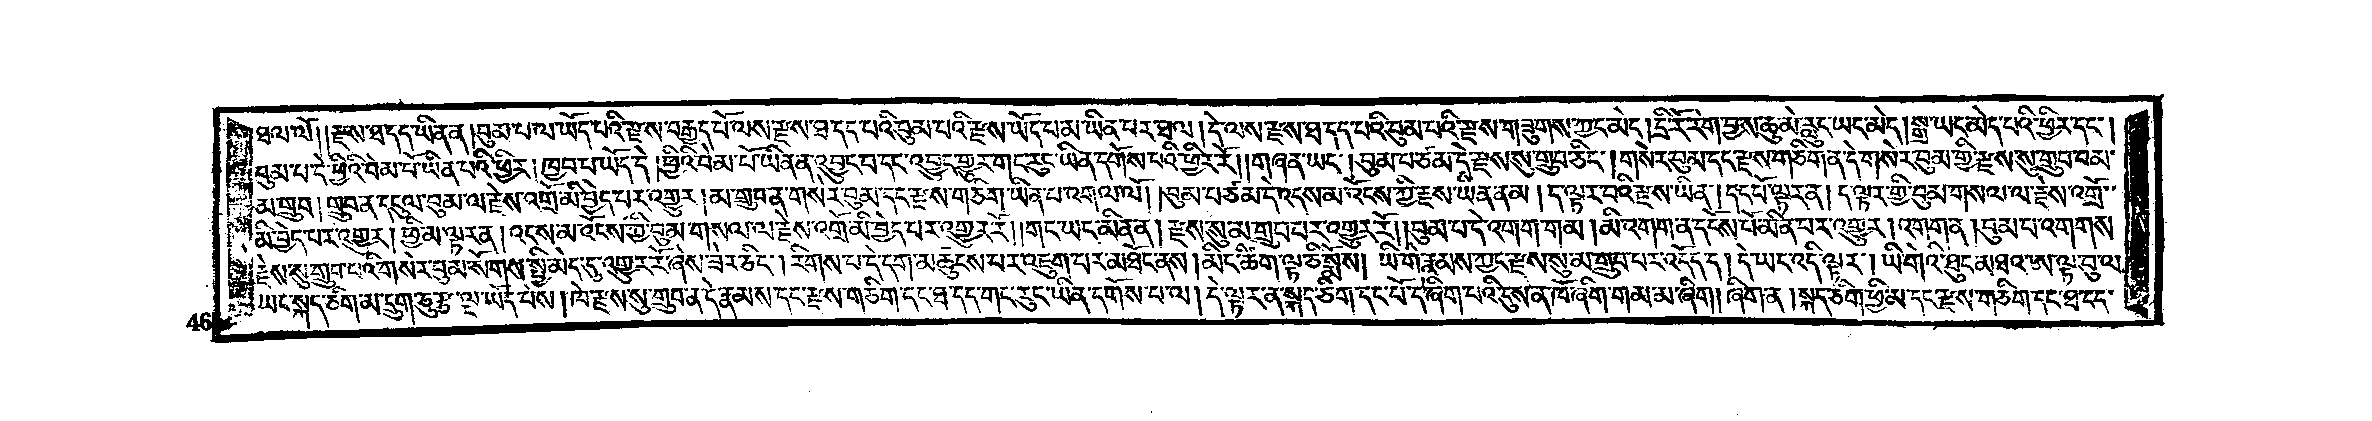ཐལ་ལོ། །རྫས་ཐ་དད་ཡིན་ན། བུམ་པ་ལ་ཡོད་པའི་རྫས་བརྒྱད་པོ་ལས་རྫས་ཐ་དད་པའི་བུམ་པའི་རྫས་ཡོད་པ་མ་ཡིན་པར་ཐལ། དེ་ལས་རྫས་ཐ་དད་པའི་བུམ་པའི་རྫས་གཟུགས་ཀྱང་མེད། དྲི་རོ་རེག་བྱ་ས་ཆུ་མེ་རླུང་ཡང་མེད། སྒྲ་ཡང་མེད་པའི་ཕྱིར་དང་།
བུམ་པ་དེ་ཕྱིའི་བེམ་པོ་ཡིན་པའི་ཕྱིར། ཁྱབ་པ་ཡོད་དེ། ཕྱིའི་བེམ་པོ་ཡིན་ན་འབྱུང་བ་དང་འབྱུང་གྱུར་གང་རུང་ཡིན་དགོས་པའི་ཕྱིར་རོ། །གཞན་ཡང་། བུམ་པ་ཙམ་དེ་རྫས་སུ་གྲུབ་ཅིང་། གསེར་བུམ་དང་རྫས་གཅིག་ན་དེ་གསེར་བུམ་གྱི་རྫས་སུ་གྲུབ་བམ་
མ་གྲུབ། གྲུབ་ན་དངུལ་བུམ་ལ་རྗེས་འགྲོ་མི་བྱེད་པར་འགྱུར། མ་གྲུབ་ན་གསེར་བུམ་དང་རྫས་གཅིག་ཡིན་པ་འགལ་ལོ། །བུམ་པ་ཙམ་དེ་འདས་མ་འོངས་ཀྱི་རྫས་ཡིན་ནམ། ད་ལྟར་བའི་རྫས་ཡིན། དང་པོ་ལྟར་ན། ད་ལྟར་གྱི་བུམ་གསལ་ལ་རྗེས་འགྲོ་
མི་བྱེད་པར་འགྱུར། ཕྱི་མ་ལྟར་ན། འདས་མ་འོངས་ཀྱི་བུམ་གསལ་ལ་རྗེས་འགྲོ་མི་བྱེད་པར་འགྱུར་རོ། །གང་ཡང་མིན་ན། རྫས་སུ་མ་གྲུབ་པར་འགྱུར་རོ། །བུམ་པ་དེ་འགག་གམ། མི་འགག་ན་དངོས་པོ་མིན་པར་འགྱུར། འགག་ན། བུམ་པ་འགགས་
རྗེས་སུ་གྲུབ་པའི་གསེར་བུམ་སོགས་སྤྱི་མེད་དུ་འགྱུར་རོ་ཞེས་ཟེར་ཅིང་། རིགས་པ་དེ་དག་མཚུངས་པར་འཇུག་པར་མཐོང་ནས། མིང་ཚིག་ལྟ་ཅི་སྨོས། ཡི་གེ་རྣམས་ཀྱང་རྫས་སུ་མ་གྲུབ་པར་འདོད་དེ། དེ་ཡང་འདི་ལྟར། ཡི་གེའི་ཐུང་མཐའ་ཨ་ལྟ་བུ་ལ་
ཡང་སྐད་ཅིག་མ་དྲུག་ཅུ་རྩ་ལྔ་ཡོད་པས། ཁེ་?་རྫས་སུ་གྲུབ་ན་དེ་རྣམས་དང་རྫས་གཅིག་དང་ཐ་དད་གང་རུང་ཡིན་དགོས་པ་ལ། དེ་ལྟར་ན་སྐད་ཅིག་དང་པོ་དེ་ཞིག་པའི་དུས་ན་ཁོ་ཞིག་གམ་མ་ཞིག། ཞིག་ན། སྐད་ཅིག་ཕྱི་མ་དང་རྫས་གཅིག་དང་ཐ་དད་